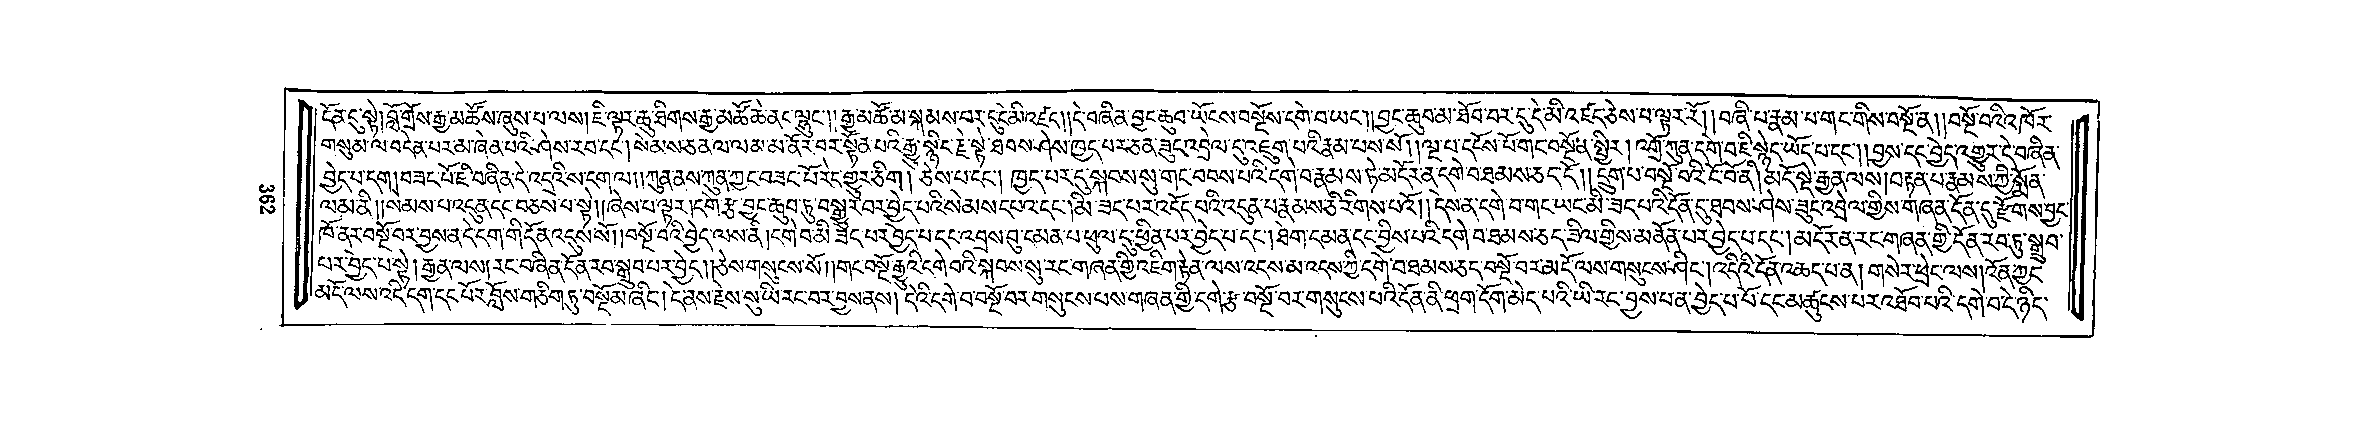དོན་དུ་སྟེ། བློ་གྲོས་རྒྱ་མཚོས་ཞུས་པ་ལས། ཇི་ལྟར་ཆུ་ཐིགས་རྒྱ་མཚོ་ཆེ་ནང་ལྷུང་། །རྒྱ་མཚོ་མ་སྐམས་བར་དུ་ངེ་མི་འཛད། །དེ་བཞིན་བྱང་ཆུབ་ཡོངས་བསྔོས་དགེ་བ་ཡང་། །བྱང་ཆུབ་མ་ཐོབ་བར་དུ་དེ་མི་འཛད་ཅེས་པ་ལྟར་རོ། །བཞི་པ་རྣམ་པ་གང་གིས་བསྔོ་ན། །བསྔོ་བའི་འཁོར་
གསུམ་ལ་བདེན་པར་མ་ཞེན་པའི་ཤེས་རབ་དང་། སེམས་ཅན་ལ་ལམ་མ་ནོར་བར་སྟོན་པའི་རྒྱུ་སྙིང་རྗེ་སྟེ་ཐབས་ཤེས་ཁྱད་པར་ཅན་ཟུང་འབྲེལ་དུ་འཇུག་པའི་རྣམ་པས་སོ། །ལྔ་པ་དངོས་པོ་གང་བསྔོ་ན་སྤྱིར། འགྲོ་ཀུན་དགེ་བ་ཇི་སྙེད་ཡོད་པ་དང་། །བྱས་དང་བྱེད་འགྱུར་དེ་བཞིན་
བྱེད་པ་དག །བཟང་པོ་ཇི་བཞིན་དེ་འདྲའི་ས་དག་ལ། །ཀུན་ནས་ཀུན་ཀྱང་བཟང་པོ་རེད་གྱུར་ཅིག །ཅེས་པ་དང་། ཁྱད་པར་དུ་སྐབས་སུ་གང་བབས་པའི་དགེ་བ་རྣམས་ཏེ་མདོར་ན་དགེ་བ་ཐམས་ཅད་དོ། །དྲུག་པ་བསྔོ་བའི་ངོ་བོ་ནི། མདོ་སྡེ་རྒྱན་ལས། བརྟན་པ་རྣམས་ཀྱི་སྨོན་
ལམ་ནི། །སེམས་པ་འདུན་དང་བཅས་པ་སྟེ། །ཞེས་པ་ལྟར། དགེ་རྩ་བྱང་ཆུབ་ཏུ་བསྒྱུར་བར་བྱེད་པའི་སེམས་དཔའ་དང་། མི་ཟད་པར་འདོད་པའི་འདུན་པ་རྣམས་ཅི་རིགས་པའོ། །དེས་ན་དགེ་བ་གང་ཡང་མི་ཟད་པའི་དོན་དུ་ཐབས་ཤེས་ཟུང་འབྲེལ་གྱིས་གཞན་དོན་དུ་རྫོགས་བྱང་
ཁོ་ནར་བསྔོ་བར་བྱས་ན་དེ་དག་གི་དོན་འདུས་སོ། །བསྔོ་བའི་བྱེད་ལས་ནི། དགེ་བ་མི་ཟད་པར་བྱེད་པ་དང་འབྲས་བུ་དམན་པ་ཕུལ་དུ་ཕྱིན་པར་བྱེད་པ་དང་། ཐེག་དམན་དང་བྱིས་པའི་དགེ་བ་ཐམས་ཅད་ཟིལ་གྱིས་མནོན་པར་བྱེད་པ་དང་། མདོར་ན་རང་གཞན་གྱི་དོན་རབ་ཏུ་སྒྲུབ་
པར་བྱེད་པ་སྟེ། རྒྱན་ལས། རང་བཞིན་དོན་རབ་སྒྲུབ་པར་བྱེད། །ཅེས་གསུངས་སོ། །གང་བསྔོ་རྒྱུའི་དགེ་བའི་སྐབས་སུ་རང་གཞན་གྱི་འཇིག་རྟེན་ལས་འདས་མ་འདས་ཀྱི་དགེ་བ་ཐམས་ཅད་བསྔོ་བར་མདོ་ལས་གསུངས་ཤིང་། འདིའི་དོན་འཆད་པ་ན། གསེར་ཕྲེང་ལས། འོན་ཀྱང་
མདོ་ལས་འདི་དག་དང་པོར་བློས་གཅིག་ཏུ་བསྡོམ་ཞིང་། དེ་ནས་རྗེས་སུ་ཡི་རང་བར་བྱས་ནས། དེའི་དགེ་བ་བསྔོ་བར་གསུངས་པས་གཞན་གྱི་དགེ་རྩ་བསྔོ་བར་གསུངས་པའི་དོན་ནི་ཕྲག་དོག་མེད་པའི་ཡི་རང་བྱས་པ་ན་བྱེད་པ་པོ་དང་མཚུངས་པར་འཐོབ་པའི་དགེ་བ་དེ་ཉིད་